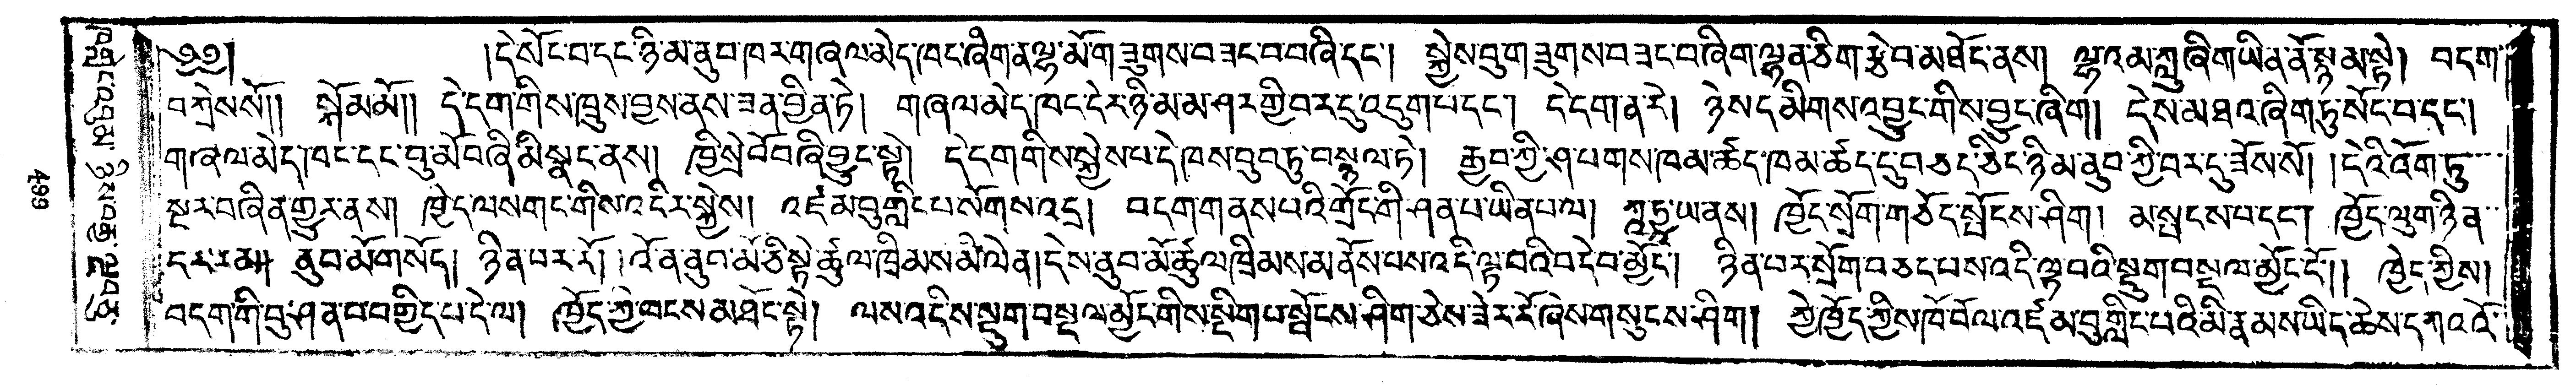༄༅། །དེ་སོང་བ་དང་ཉི་མ་ནུབ་ཁར་གཞལ་མེད་ཁང་ཞིག་ན་ལྷ་མོ་གཟུགས་བཟང་བ་བཞི་དང་། སྐྱེས་བུ་གཟུགས་བཟང་བ་ཞིག་ལྷན་ཅིག་རྩེ་བ་མཐོང་ནས། ལྷ་འམ་ཀླུ་ཞིག་ཡིན་ནོ་སྙམ་སྟེ། བདག་
བཀྲེས་སོ།། སྐོམ་མོ།། དེ་དག་གིས་ཁྲུས་བྱས་ནས་ཟན་བྱིན་ཏེ། གཞལ་མེད་ཁང་དེར་ཉི་མ་མ་ཤར་གྱི་བར་དུ་འདུག་པ་དང་། དེ་དག་ན་རེ། ཉེས་དམིགས་འབྱུང་གིས་བྱུང་ཞིག། དེས་མཐའ་ཞིག་ཏུ་སོང་བ་དང་།
གཞལ་མེད་ཁང་དང་བུ་མོ་བཞི་མི་སྣང་ནས། ཁྱི་སྲེ་བོ་བཞི་བྱུང་སྟེ། དེ་དག་གིས་སྐྱེས་པ་དེ་ཁས་བུབ་ཏུ་བསྙལ་ཏེ། རྒྱབ་ཀྱི་ཤ་པགས་ཁམ་ཚད་ཁམ་ཚད་དུ་བཅད་ཅིང་ཉི་མ་ནུབ་ཀྱི་བར་དུ་ཟོས་སོ། །དེའི་འོག་ཏུ་
སྔར་བཞིན་གྱུར་ནས། ཁྱེད་ལས་གང་གིས་འདིར་སྐྱེས། འཛམ་བུ་གླིང་པ་སོགས་འདྲ། བདག་གནས་པའི་གྲོང་གི་ཤན་པ་ཡིན་པ་ལ། ཀཱ་ཏྱཱ་ཡ་ནས། ཁྱོད་སྲོག་གཅོད་སྤོངས་ཤིག། མ་སྤངས་པ་དང་། ཁྱོད་ལུག་ཉིན་
དར་རམ། ནུབ་མོ་གསོད། ཉིན་པར་རོ། །འོ་ན་ནུབ་མོ་ཅི་སྟེ་ཚུལ་ཁྲིམས་མི་ལེན། དེས་ནུབ་མོ་ཚུལ་ཁྲིམས་མནོས་པས་འདི་ལྟ་བའི་བདེ་བ་མྱོང་། ཉིན་པར་སྲོག་བཅད་པས་འདི་ལྟ་བའི་སྡུག་བསྡལ་མྱོང་ངོ།། ཁྱེད་ཀྱིས།
བདག་གི་བུ་ཤན་བ་བགྱིད་པ་དེ་ལ། ཁྱོད་ཀྱི་ཁངས་མཐོང་སྟེ། ལས་འདིས་སྡུག་བསྔལ་མྱོང་གིས་སྡིག་པ་སྦོངས་ཤིག་ཅེས་ཟེར་རོ་ཞེས་གསུངས་ཤིག། ཀྱེ་ཁྱོད་ཀྱིས་ཁོ་བོ་ལ་འཛམ་བུ་གླིང་པའི་མི་རྣམས་ཡིད་ཆེས་དཀའ་འོ་